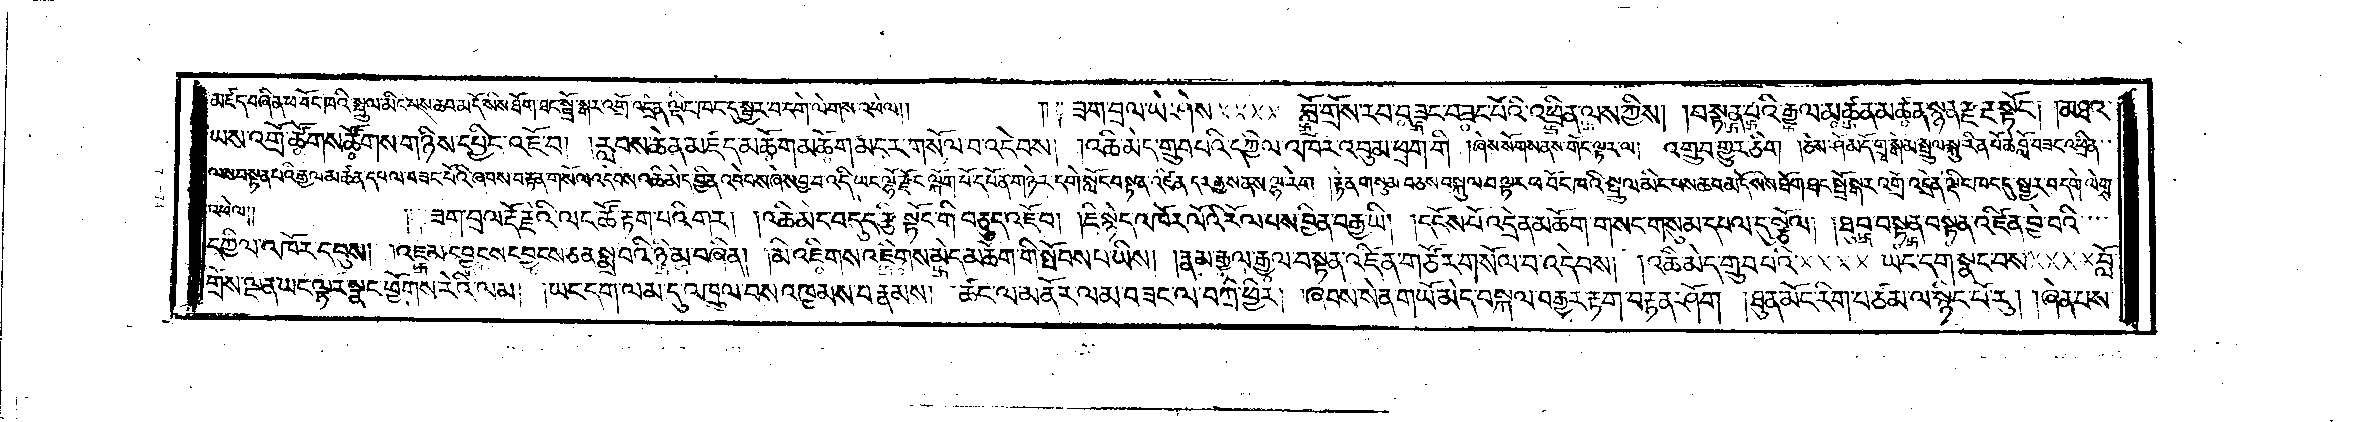མཛད་བཞིན་ཕ་བོང་ཁའི་སྦྲུལ་མིང་བས་ཆབ་མདོ་སིས་ཐོག་ཐང་སྦྲོ་སྒར་འགྲོ་འདྲེན་ལྡིང་ཁང་དུ་སྦྱར་བ་དགེ་ལེགས་འཕེལ།། །། ༈ ཟག་བྲལ་ཡེ་ཤེས་྾྾྾་བློ་གྲོས་རབ་བཟང་བཟང་པོའི་འཕྲིན་ལས་ཀྱིས། །བསྟན་པའི་རྒྱལ་མཚན་མཚན་སྙན་རྫ་རྔ་སྟོང་། །མཐའ་
ཡས་འགྲོ་ཚོགས་ཚོགས་གཉིས་དཔྱིད་འཇོ་བ། །རླབས་ཆེན་མཛད་མཆོག་མཆོག་མངར་གསོལ་བ་འདེབས། །འཆི་མེད་གྲུབ་པའི་དཀྱིལ་འཁོར་འབུམ་ཕྲག་གི་།ཞེས་སོགས་ནས་གོང་ལྟར་ལ།  འགྲུབ་གྱུར་ཅིག །ཅེས་ཤོ་མདོ་གྲྭ་སྒོམ་སྤྲུལ་སྐུ་རིན་པོ་ཆེ་བློ་བཟང་འཕྲིན་
ལས་བསྟན་པའི་རྒྱལ་མཚན་དཔལ་བཟང་པོའི་ཞབས་བརྟན་གསོལ་འདེབས་འཆི་མེད་སྦྱིན་འབེབས་ཞེས་བྱ་བ་འདི་ཡང་ལྷོ་རྫོང་ལྐོག་པོ་དཔོན་གཉེར་དགེ་སློང་བསྟན་འཛིན་དར་རྒྱས་ནས་ལྷ་རེག །རྟེན་གསུམ་བཅས་བསྐུལ་བ་ལྟར་ཕ་བོང་ཁའི་སྤྲུལ་མིང་བས་ཆབ་མདོ་སིས་ཐོག་ཐང་སྤྲོ་སྒར་འགྲོ་འདྲེན་ལྡིང་ཁང་དུ་སྦྱར་བ་དགེ་ལེགས་
འཕེལ།། །། ༈ ཟག་བྲལ་རྡོ་རྗེའི་ལང་ཚོ་རྟག་པའི་གར། །འཆི་མེད་བདུད་རྩི་སྟོང་གི་བཅུད་འཇོ་བ། །ཇི་སྙེད་འཁོར་ལོའི་རོལ་བས་བྱིན་བརྒྱ་ཡི། །དངོས་པོ་འདྲེན་མཆོག་གསང་གསུམ་དཔལ་དུ་སྩོལ། །ཐུབ་བསྟན་བསྟན་འཛིན་བྱེ་བའི་
དཀྱིལ་འཁོར་དབུས། །འཇམ་དབྱངས་དབྱངས་ཅན་སྨྲ་བའི་ཉི་མ་བཞིན། །མི་འཇིགས་འཇིགས་མེད་མཆོག་གི་སྤོབས་པ་ཡིས། །རྣམ་རྒྱལ་རྒྱལ་བསྟན་འཛིན་གཙོར་གསོལ་བ་འདེབས། །འཆི་མེད་གྲུབ་པའི་྾྾྾་ཡང་དག་སྣང་བས་྾྾྾་བློ་
གྲོས་ལྡན་ཡང་ལྟར་སྣང་ཕྱོགས་རེའི་ལམ། །ཡང་དག་ལམ་དུ་འཁྲུལ་བས་འཁྱམས་པ་རྣམས། །ཚང་ལ་མ་ནོར་ལམ་བཟང་ལ་བཀྲི་ཕྱིར། །ཞབས་སེན་གཡོ་མེད་བསྐལ་བརྒྱར་རྟག་བརྟན་ཤོག །ཐུན་མོང་རིག་པ་ཙམ་ལ་སྙིང་པོ་རུ། །ཞེན་པས་